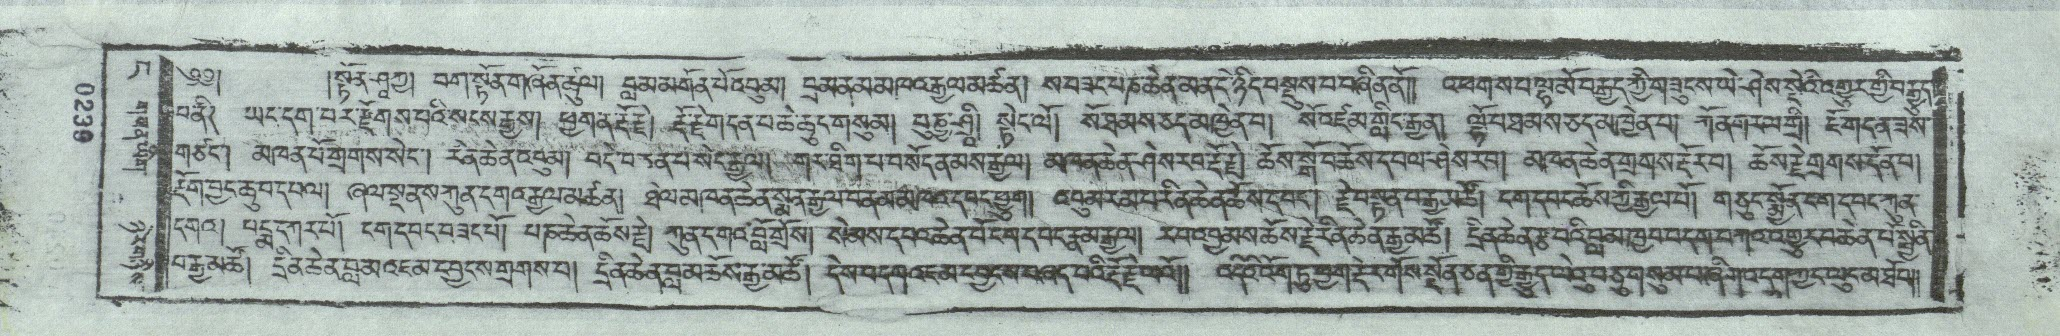༄༅། །སྟོན་ཤཱཀྱ། བག་སྟོན་གཞོན་ཚུལ། བླ་མ་མགོན་པོ་འབུམ། བྲམ་ནམ་མཁའ་རྒྱལ་མཚན། ས་བཟང་པཎ་ཆེན་མན་དེ་ཉིད་བསྡུས་པ་བཞིན་ནོ།། འཕགས་པ་ལྷ་མོ་བརྒྱད་ཀྱི་གཟུངས་ཡེ་ཤེས་སྡེའི་འགྱུར་གྱི་བརྒྱུད་
པ་ནི༑ ཡང་དག་པར་རྫོགས་པའི་སངས་རྒྱས། ཕྱག་ན་རྡོ་རྗེ། རྡོ་རྗེ་གདན་བ་ཆེ་ཆུང་གསུམ། བུ་ཎྱ་ཤྲཱི། སྟེང་ལོ། སོ་ཐམས་ཅད་མཁྱེན་པ། སོ་འཛམ་གླིང་རྒྱན། ལྷོ་པ་ཐམས་ཅད་མཁྱེན་པ། ཀོ་ནག་རལ་གྲི། ཇོ་གདན་ཟས་
གཙང་། མཁན་པོ་གྲགས་སེང་། རིན་ཆེན་འབུམ། བདེ་བ་ཅན་པ་སེང་རྒྱལ་གར་ཐིག་པ་བསོད་ནམས་རྒྱལ། མཁན་ཆེན་ཤེས་རབ་རྡོ་རྗེ། ཆོས་སྒོ་བ་ཆོས་དཔལ་ཤེས་རབ། མཁན་ཆེན་གྲགས་རྡོར་བ། ཆོས་རྗེ་གྲགས་དོན་པ།
རྡོག་བྱང་ཆུབ་དཔལ། ཞལ་སྡ་ནས་ཀུན་དགའ་རྒྱལ་མཚན། ཐེལ་མཁན་ཆེན་སྨན་རྒྱལ་བ་ནམ་མཁའ་དབང་ཕྱུག། འབུམ་རམ་པ་རིན་ཆེན་ཆོས་དབང་། རྗེ་བསྟན་པ་རྒྱ་མཚོ། ངག་དབང་ཆོས་ཀྱི་རྒྱལ་པོ། གཅུང་སྨྱོན་ངག་དབང་ཀུན་
དགའ། པདམ་དཀར་པོ། ངག་དབང་བཟང་པོ། པཎ་ཆེན་ཆོས་རྗེ། ཀུན་དགའ་བློ་གྲོས། སེམས་དཔའ་ཆེན་པོ་ངག་དབང་རྣམ་རྒྱལ། རབ་འབྱམས་ཆོས་རྗེ་རིན་ཆེན་རྒྱ་མཚོ། དྲིན་ཆེན་རྩ་བའི་བླ་མ་ཁྱབ་བདག་བཀའ་འགྱུར་བ་ཆེན་པོ་སྦྱིན་
བརྒྱ་མཚོ། དྲིན་ཆེན་བླ་མ་འཇམ་དབྱངས་གྲགས་པ། དྲིན་ཆེན་བླ་མ་ཆོས་རྒྱ་མཚོ། དེས་བདག་འཇམ་དབྱངས་བཞད་པའི་རྡོ་རྗེ་ལའོ།། འདིའི་འོག་ཏུ་ཕྱག་རྡོར་གོས་སྡོན་ཅན་གྱི་རྒྱུད་ལེའུ་བཅུ་གསུམ་པ་ཞིག་འདུག་ཀྱང་ལུང་མ་ཐོབ།།